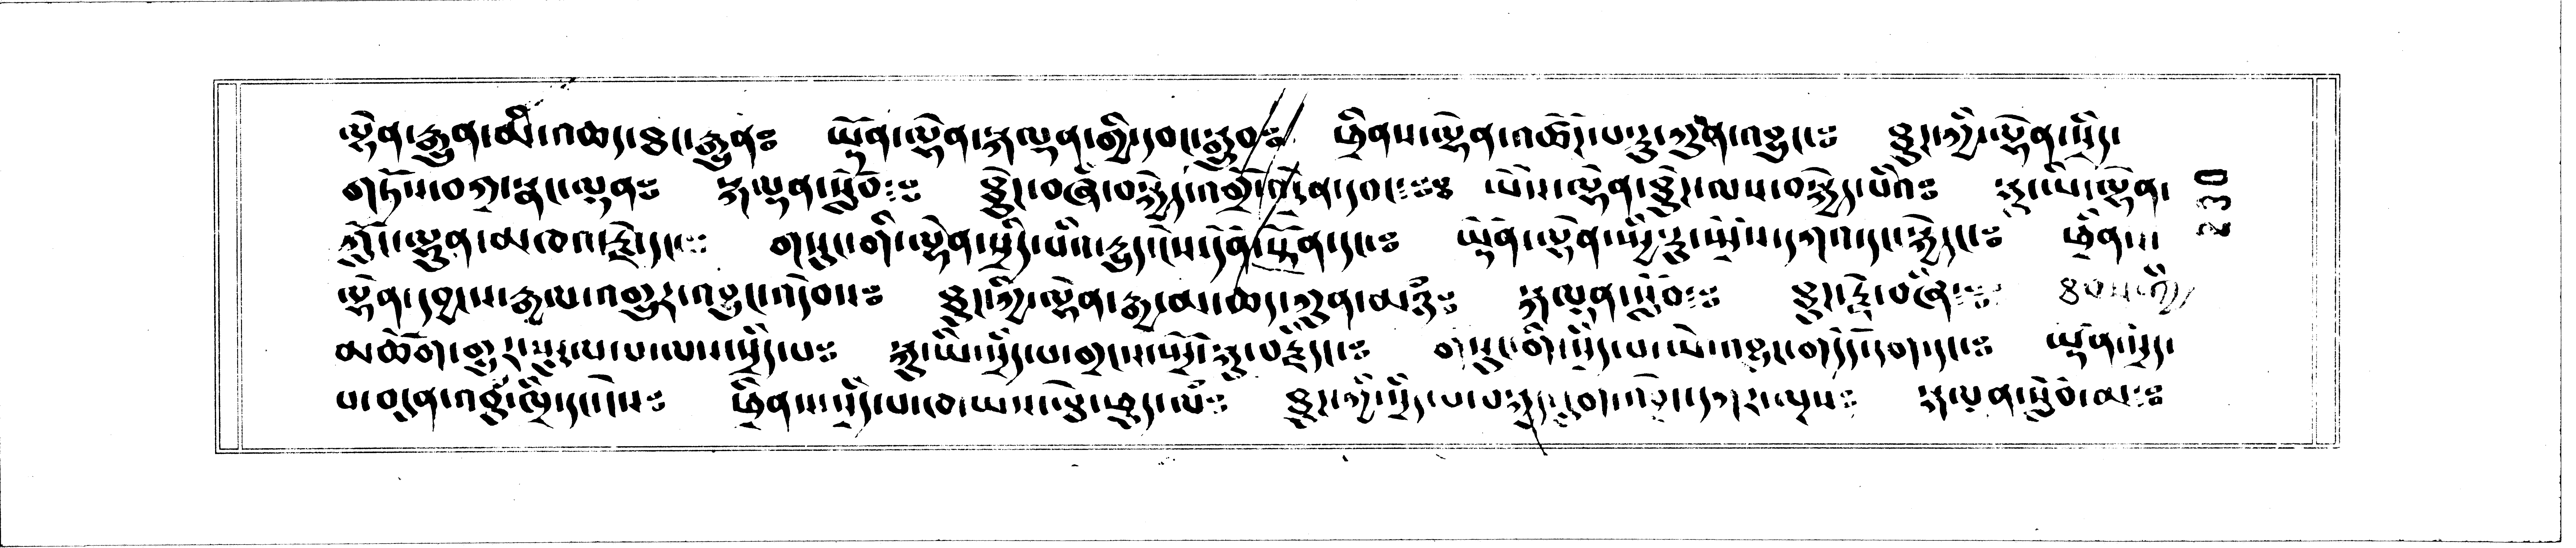ལྷ་ཆེན་རྒྱུན་མི་འཆད་ཐང་རྒྱུནཿ ཡོན་ཏན་ལྷ་ཆེན་སྐལ་ལྡན་གྱི་དབང་སྒྲུབཿ ཕྲིན་ལས་ལྷ་ཆེན་འཚོགས་པ་རུ་ཀུན་འབྱུངཿ ཐུགས་ཀྱི་ལྷ་ཆེན་སྲིད་
གཏོས་བཀྲ་སྣང་ལྡནཿ སྐལ་ལྡན་སློབ་མ་རྣམས་ལ་དབང་བསྐུར་བསཿ ཐུགས་རྗེ་བཞི་བསྐྱེད་འགྲོ་འདྲེན་དབང་ཐོབ་ཤོགཿ ཡེ་ཤེས་ལྷ་ཆེན་ཐུགས་རྗེ་ལས་བསྐྱེད་པའིཿ སྐུ་ཡི་ལྷ་ཆེན་
ཀློང་ལྷུན་མཁའ་རྗེ་དངཿ གསུང་གི་ལྷ་ཆེན་སྲིད་པའི་རྒྱུད་ངེས་དོན་སྟོནཿ ཡོན་ཏན་ལྷ་ཆེན་སྤྱི་རུ་སྤྲོས་དཀའ་དང་སྐྱེདཿ ཕྲིན་ལས་
ལྷ་ཆེན་དབྱངས་རྒྱལ་འགྱུར་འབྱུང་འདེབསཿ ཐུགས་ཀྱི་ལྷ་ཆེན་རྒྱ་མ་ཆད་ཀུན་ལ་མཉམཿ སྐལ་ལྡན་སློབ་མ་རྣམས་ལ་དབང་བསྐུར་བསཿ ཐུགས་རྗེ་བཞི་བསྐྱེད་འགྲོ་འདྲེན་དབང་ཐོབ་ཤོགཿ ཐབས་ཀྱི་
མཆོག་གྱུར་སྤྲུལ་པ་ལས་སྲིད་པའིཿ སྐུ་ཡི་སྲིད་པ་གྲངས་སྤྲོ་སྐུ་བརྗིད་དངཿ གསུང་གི་སྲིད་པ་ཡེ་འབྱུང་གདོད་དག་དངཿ ཡོན་ཏན་སྲིད་
པ་བདུན་འབུམ་ཁྲི་དང་ངེསཿ ཕྲིན་ལས་ཀྱི་སྲིད་པ་ཁ་ཡལ་ལྕེ་ཕུད་ལམཿ ཐུགས་ཀྱི་སྲིད་པ་བསྐྱེད་དྲུག་འབྲོང་དཀར་ལྔསཿ སྐལ་ལྡན་སློབ་མ་རྣམས་ལ་དབང་བསྐུར་བསཿ